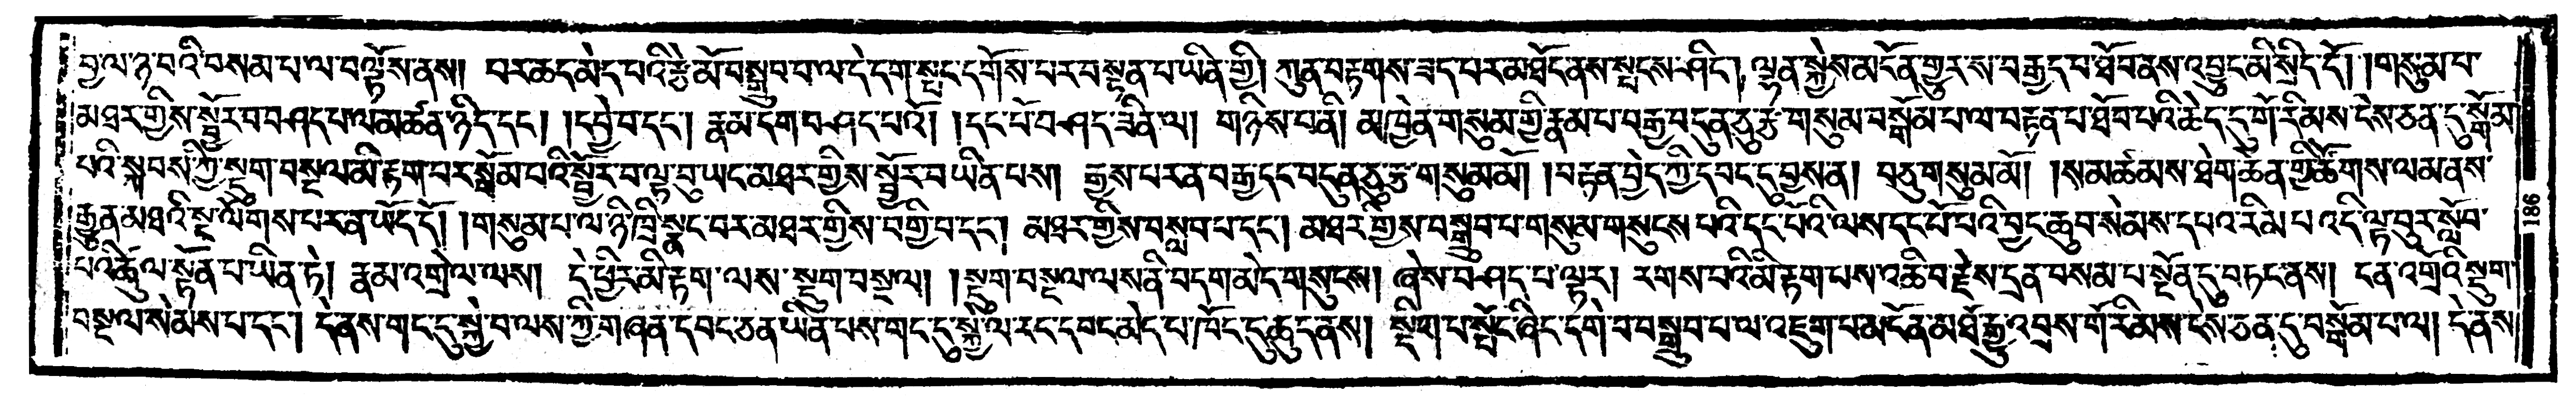བྱ་ལ་ཉ་བའི་བསམ་པ་ལ་བལྟོས་ནས། བར་ཆད་མེད་པའི་རྩེ་མོ་བསྒྲུབ་པ་ལ་དེ་དག་སྤང་དགོས་པར་བསྟན་པ་ཡིན་གྱི། ཀུན་བརྟགས་ཟད་པར་མཐོང་ནས་སྤངས་ཤིང་། ལྷན་སྐྱེས་མངོན་གྱུར་ས་བརྒྱད་པ་ཐོབ་ནས་འབྱུང་མི་སྲིད་དོ། །གསུམ་པ་
མཐར་གྱིས་སྦྱོར་བ་བཤད་པ་ལ་མཚན་ཉིད་དང་། །དབྱེ་བ་དང་། རྣམ་དག་བཤད་པའོ། །དང་པོ་བཤད་ཟིན་ལ། གཉིས་པ་ནི། མཁྱེན་གསུམ་གྱི་རྣམ་པ་བརྒྱ་བདུན་ཅུ་རྩ་གསུམ་བསྒོམ་པ་ལ་བརྟན་པ་ཐོབ་པའི་ཆེད་དུ་གོ་རིམས་ངེས་ཅན་དུ་སྒོམ་
པའི་སྐབས་ཀྱི་སྡུག་བསྔལ་མི་རྟག་པར་སྒོམ་པའི་སྦྱོར་བ་ལྟ་བུ་ཡང་མཐར་གྱིས་སྦྱོར་བ་ཡིན་པས། རྒྱས་པར་ན་བརྒྱ་དང་བདུན་ཅུ་རྩ་གསུམ་མོ། །བརྟན་བྱེད་ཀྱི་དབང་དུ་བྱས་ན། བཅུ་གསུམ་མོ། །ས་མཚམས་ཐེག་ཆེན་གྱི་ཚོགས་ལམ་ནས་
རྒྱུན་མཐའི་སྔ་ལོགས་པར་ན་ཡོད་དོ། །གསུམ་པ་ལ་ཉི་ཁྲི་སྣང་བར་མཐར་གྱིས་བགྱི་བ་དང་། མཐར་གྱིས་བསླབ་པ་དང་། མཐར་གྱིས་བསྒྲུབ་པ་གསུམ་གསུངས་པའི་དང་པོའི་ལས་དང་པོ་པའི་བྱང་ཆུབ་སེམས་དཔའ་རིམ་པ་འདི་ལྟ་བུར་སློབ་
པའི་ཚུལ་སྟོན་པ་ཡིན་ཏེ། རྣམ་འགྲེལ་ལས། དེ་ཕྱིར་མི་རྟག་ལས་སྡུག་བསྔལ། །སྡུག་བསྔལ་ལས་ནི་བདག་མེད་གསུངས། ཞེས་བཤད་པ་ལྟར། རགས་པའི་མི་རྟག་པས་འཆི་བ་རྗེས་དྲན་བསམ་པ་སྔོན་དུ་བཏང་ནས། ངན་འགྲོའི་སྡུག་
བསྔལ་སེམས་པ་དང་། དེ་ནས་གང་དུ་སྐྱེ་བ་ལས་ཀྱི་གཞན་དབང་ཅན་ཡིན་པས་གང་དུ་སྐྱེ་ལ་རང་དབང་མེད་པ་ཁོང་དུ་ཆུད་ནས། སྡིག་པ་སྤོང་ཞིང་དགེ་བ་བསྒྲུབ་པ་ལ་འཇུག་པ་མངོན་མཐོ་རྒྱུ་འབྲས་གོ་རིམས་ངེས་ཅན་དུ་བསྒོམ་པ་ལ། དེ་ནས་